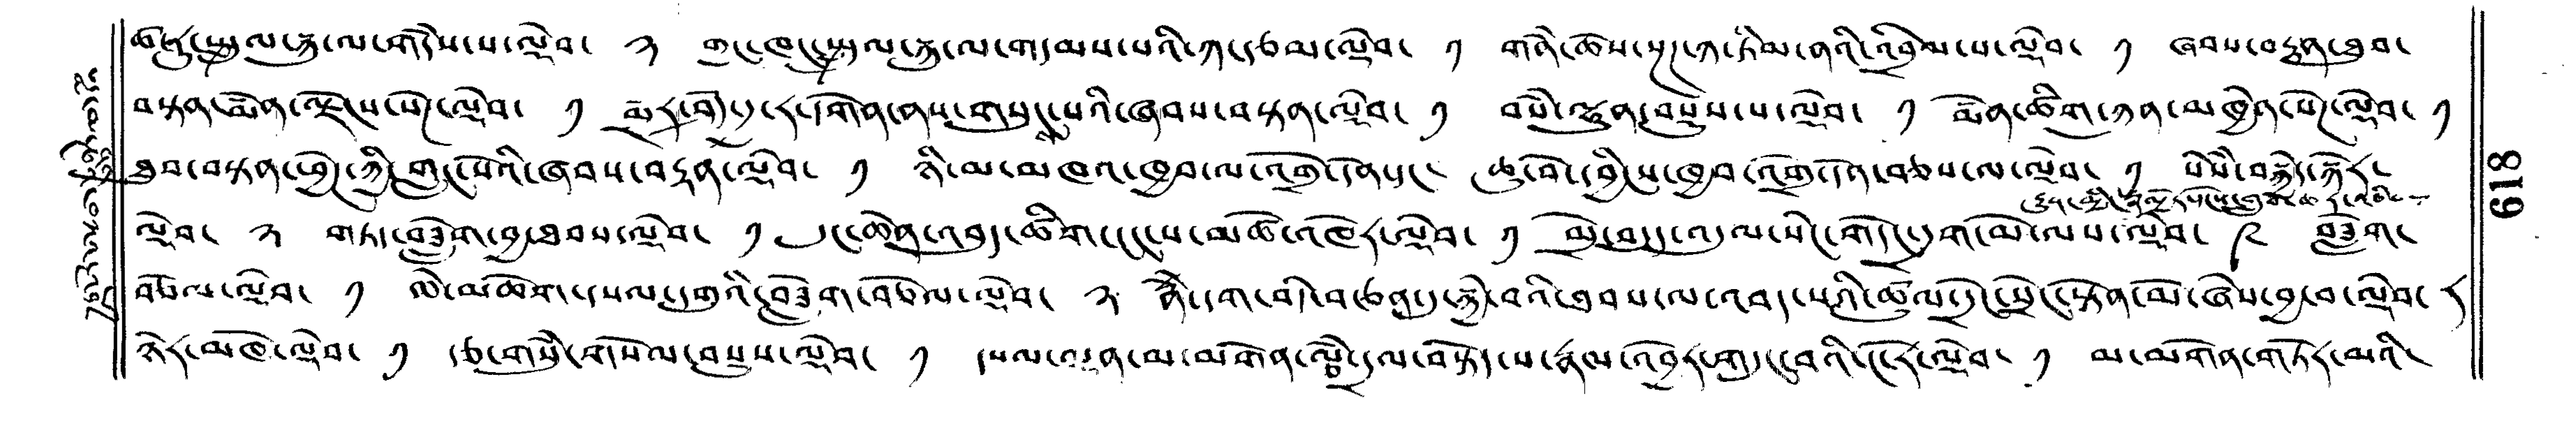ཚ་རུ་སྤྲུལ་སྐུ་ལ་གདམས་པ་ལྡེབ། གྱང་ཁང་སྤྲུལ་སྐུ་ལ་གདམས་པའི་ཀ་རྩོམ་ལྡེབ། གནམ་ཆོས་སྔགས་ཀ་ཏིམ་ནའི་འབྲེལ་པ་ལྡེབ། ཞབས་བརྟན་ཐུབ་
བསྟན་སྨན་ལྗོངས་སོགས་ལྡེབ། སྨྲར་ཤོད་རྒྱ་ར་དགོན་ནས་གསུངས་པའི་ཞབས་བརྟན་ལྡེབ། བསམ་ལྷུན་བསྡུས་པ་ལྡེབ། སྨོན་ཚིག་ཀུན་མཁྱེན་སོགས་ལྡེབ། 
ཐུབ་བསྟན་ཕྱོགས་ཀྱི་གླང་པོའི་ཞབས་བརྟན་ལྡེབ། ཉི་མ་མཁའ་ཁྱབ་འགྲོ་དོན་དང་། ཆུ་བོ་དབྱིངས་ཁྱབ་འགྲོ་དོན་བཅས་ལ་ལྡེབ། སེམས་བསྐྱེད་སྐོར་
ལྡེབ། གཏད་བཟློག་བྱ་ཐབས་ལྡེབ། དུང་ཆེན་འབུད་ཚིག་ངང་པ་མཚོ་འཁོར་ལྡེབ། མཁའ་འགྲོ་བདུད་འདུལ་སེང་གདོང་དྲག་མོ་ལས། རྒྱུན་གྱི་རྣལ་འབྱོར་དངོས་གྲུབ་ཆར་འབེབས་ལྡེབ། བཟློག་
བཅོལ་ལྡེབ། ཆེ་མཆོག་དཔལ་དགུའི་བཟློག་བཅོལ་ལྡེབ། རྣམ་དག་བདེ་བ་ཅན་དུ་སྐྱེ་བའི་ཐབས་ལ་འབད་པའི་ཚུལ་དྲང་སྲོང་སྟོན་མོ་ཞེས་བྱ་བ་ལྡེབ།
ཉེར་མཁོ་ལྡེབ། རྩ་གསུམ་གསོལ་བསྡུས་ལྡེབ། དཔལ་ལྡན་མ་མགོན་ལྕམ་དྲལ་བསྟོད་པ་རྣལ་འབྱོར་གདུང་བའི་ང་རོ་ལྡེབ། མ་མགོན་གཏོར་མའི་